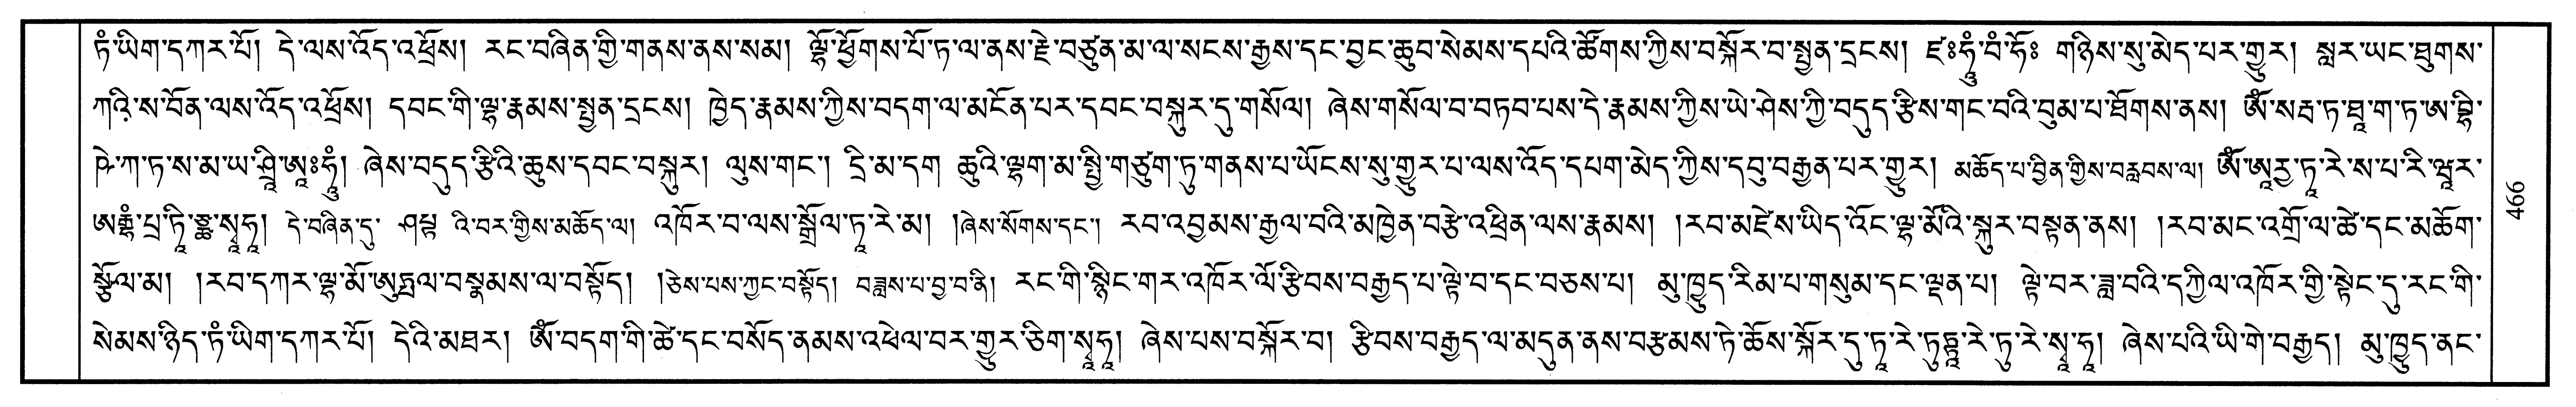ཏཾ་ཡིག་དཀར་པོ། དེ་ལས་འོད་འཕྲོས། རང་བཞིན་གྱི་གནས་ནས་སམ། ལྷོ་ཕྱོགས་པོ་ཏ་ལ་ནས་རྗེ་བཙུན་མ་ལ་སངས་རྒྱས་དང་བྱང་ཆུབ་སེམས་དཔའི་ཚོགས་ཀྱིས་བསྐོར་བ་སྤྱན་དྲངས། ཛཿ ཧཱུཾ་བཾ་ཧོཿ གཉིས་སུ་མེད་པར་གྱུར། སླར་ཡང་ཐུགས་
ཀའི་ས་བོན་ལས་འོད་འཕྲོས། དབང་གི་ལྷ་རྣམས་སྤྱན་དྲངས། ཁྱེད་རྣམས་ཀྱིས་བདག་ལ་མངོན་པར་དབང་བསྐུར་དུ་གསོལ། ཞེས་གསོལ་བ་བཏབ་པས་དེ་རྣམས་ཀྱིས་ཡེ་ཤེས་ཀྱི་བདུད་རྩིས་གང་བའི་བུམ་པ་ཐོགས་ནས། ཨོཾ་སརྦ་ཏ་ཐཱ་ག་ཏ་ཨ་བྷི་
ཥེ་ཀ་ཏ་ས་མ་ཡ་ཤྲཱི་ཨཱཿ ཧཱུཾ། ཞེས་བདུད་རྩིའི་ཆུས་དབང་བསྐུར། ལུས་གང་། དྲི་མ་དག །ཆུའི་ལྷག་མ་སྤྱི་གཙུག་ཏུ་གནས་པ་ཡོངས་སུ་གྱུར་པ་ལས་འོད་དཔག་མེད་ཀྱིས་དབུ་བརྒྱན་པར་གྱུར། མཆོད་པ་བྱིན་གྱིས་བརླབས་ལ། ཨོཾ་ཨཱརྱ་ཏཱ་རེ་ས་པ་རི་ཝཱར་
ཨརྒྷཾ་པྲ་ཏཱི་ཙྪ་སྭཱཧཱ། དེ་བཞིན་དུ་ཤཔྟའི་བར་གྱིས་མཆོད་ལ། འཁོར་བ་ལས་སྒྲོལ་ཏཱ་རེ་མ། །ཞེས་སོགས་དང་། རབ་འབྱམས་རྒྱལ་བའི་མཁྱེན་བརྩེ་འཕྲིན་ལས་རྣམས། །རབ་མཛེས་ཡིད་འོང་ལྷ་མོའི་སྐུར་བསྟན་ནས། །རབ་མང་འགྲོ་ལ་ཚེ་དང་མཆོག་
སྩོལ་མ། །རབ་དཀར་ལྷ་མོ་ཨུཏྤལ་བསྣམས་ལ་བསྟོད། །ཅེས་པས་ཀྱང་བསྟོད། བཟླས་པ་བྱ་བ་ནི། རང་གི་སྙིང་གར་འཁོར་ལོ་རྩིབས་བརྒྱད་པ་ལྟེ་བ་དང་བཅས་པ། མུ་ཁྱུད་རིམ་པ་གསུམ་དང་ལྡན་པ། ལྟེ་བར་ཟླ་བའི་དཀྱིལ་འཁོར་གྱི་སྟེང་དུ་རང་གི་
སེམས་ཉིད་ཏཾ་ཡིག་དཀར་པོ། དེའི་མཐར། ཨོཾ་བདག་གི་ཚེ་དང་བསོད་ནམས་འཕེལ་བར་གྱུར་ཅིག་སྭཱཧཱ། ཞེས་པས་བསྐོར་བ། རྩིབས་བརྒྱད་ལ་མདུན་ནས་བརྩམས་ཏེ་ཆོས་སྐོར་དུ་ཏཱ་རེ་ཏུཏྟཱ་རེ་ཏུ་རེ་སྭཱ་ཧཱ། ཞེས་པའི་ཡི་གེ་བརྒྱད། མུ་ཁྱུད་ནང་